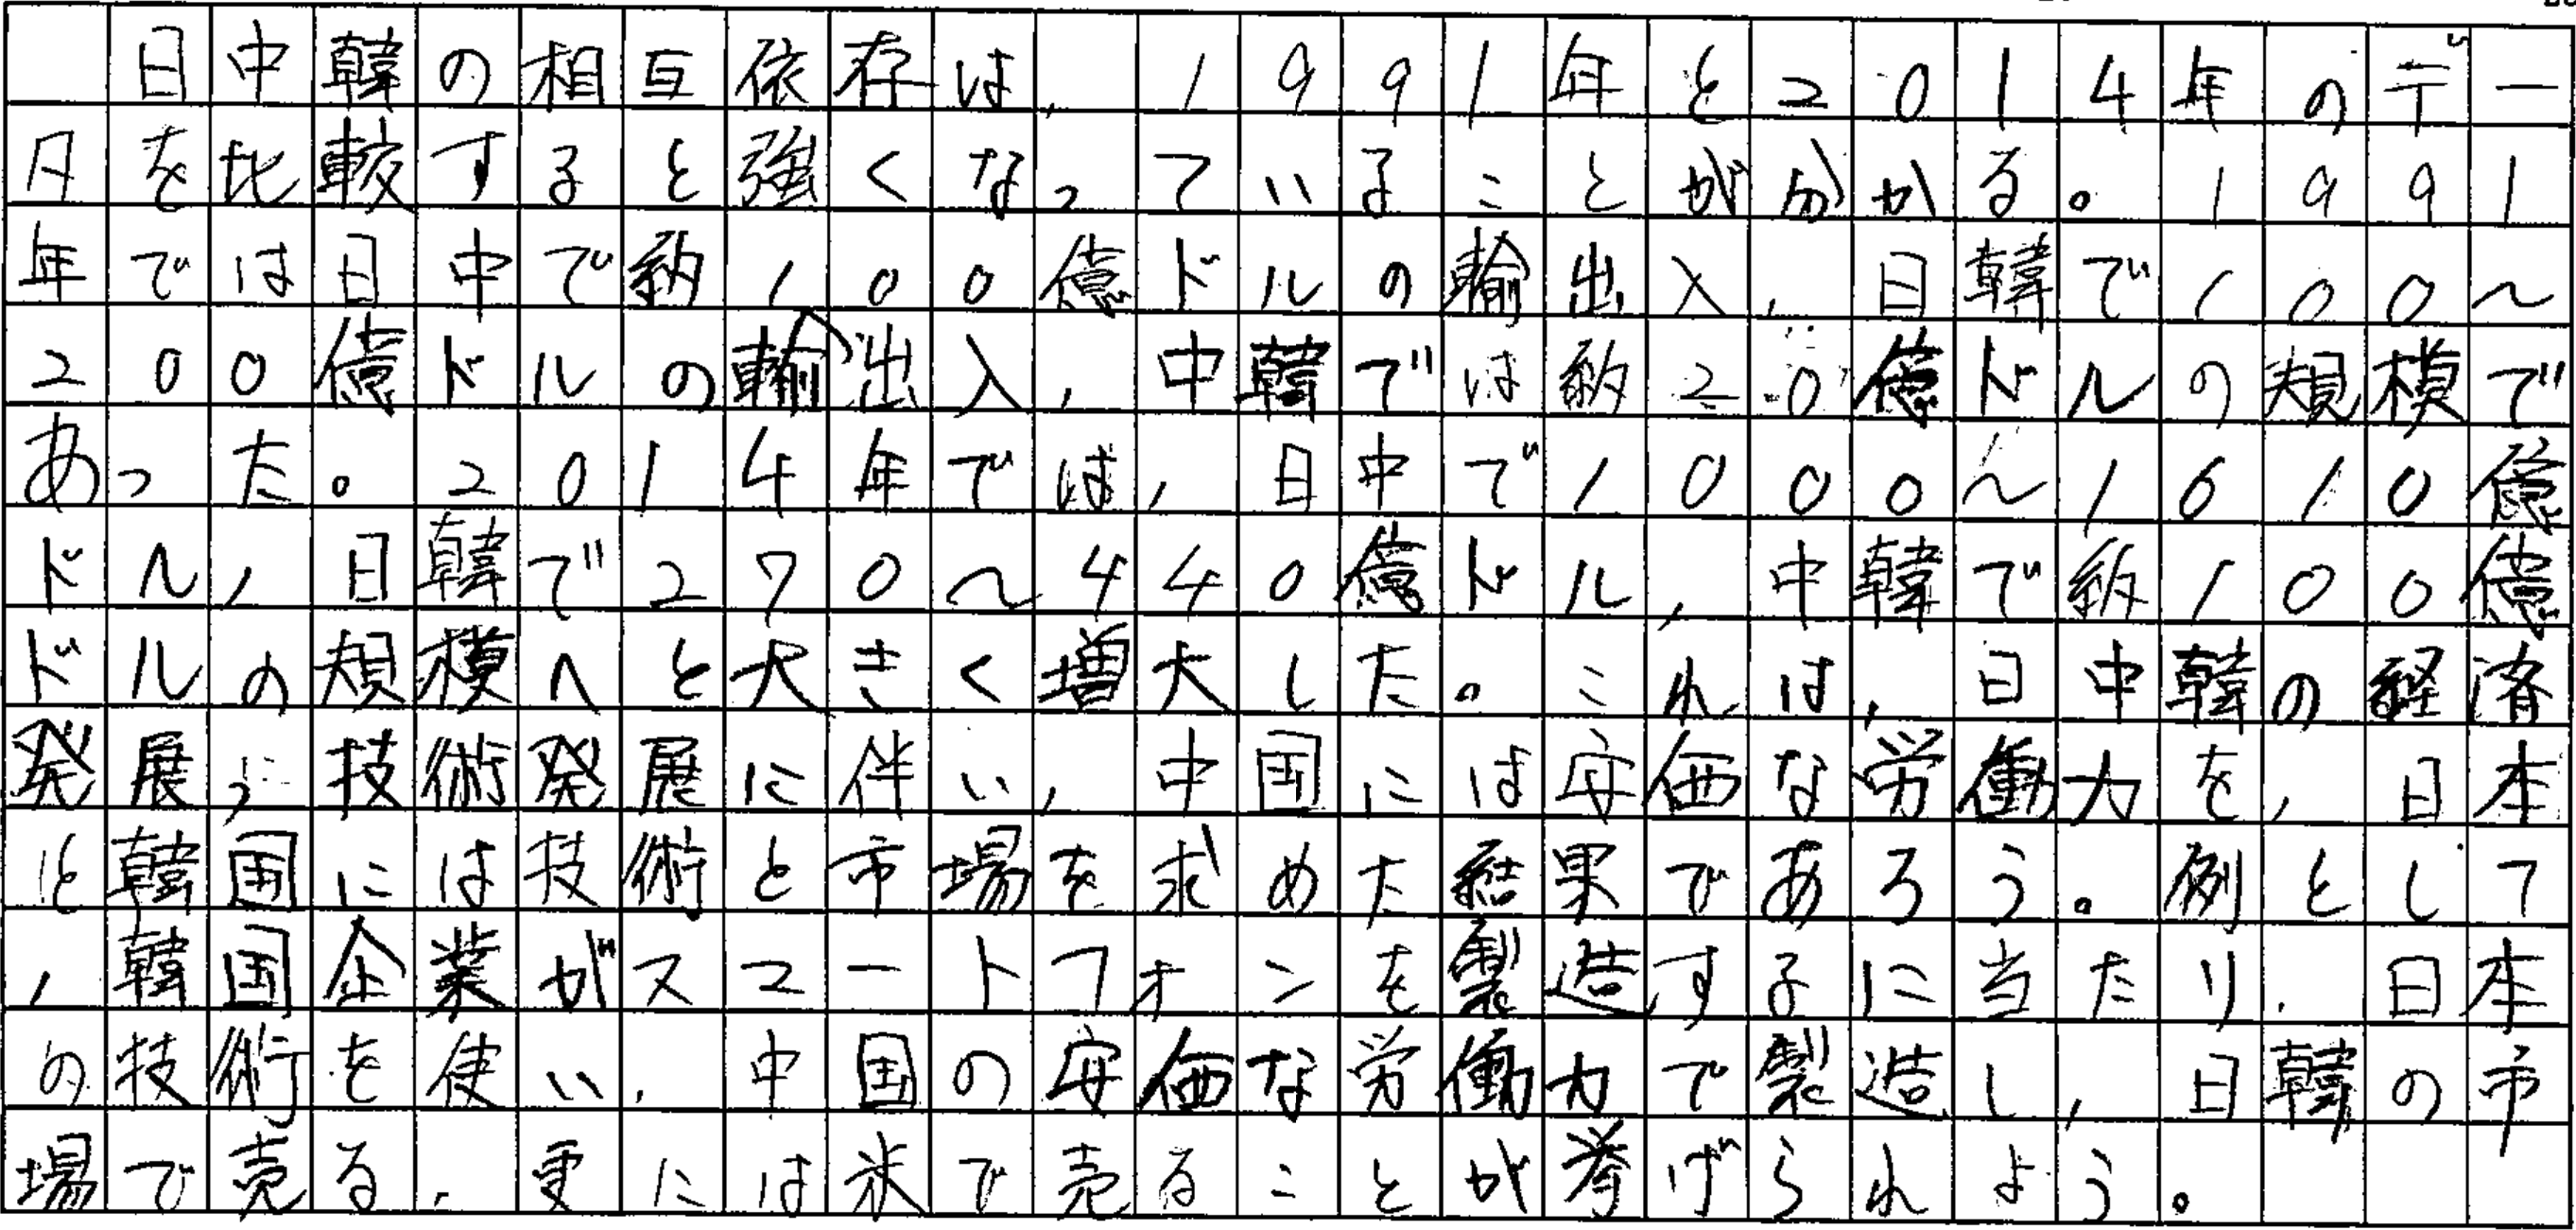　日中韓の相互依存は，１９９１年と２０１４年のデータを比較すると強くなっていることが分かる。１９９１年では日中で約１００億ドルの輸出入，日韓で１００～２００億ドルの輸出入，中韓では約２０億ドルの規模であった。２０１４年では，日中で１０００～１６１０億ドル，日韓で２７０～４４０億ドル，中韓で約１００億ドルの規模へと大きく増大した。これは，日中韓の経済発展，技術発展に伴い，中国には安価な労働力を，日本と韓国には技術と市場を求めた結果であろう。例として，韓国企業がスマートフォンを製造するに当たり，日本の技術を使い，中国の安価な労働力で製造し，日韓の市場で売る，更には米で売ることが挙げられよう。
